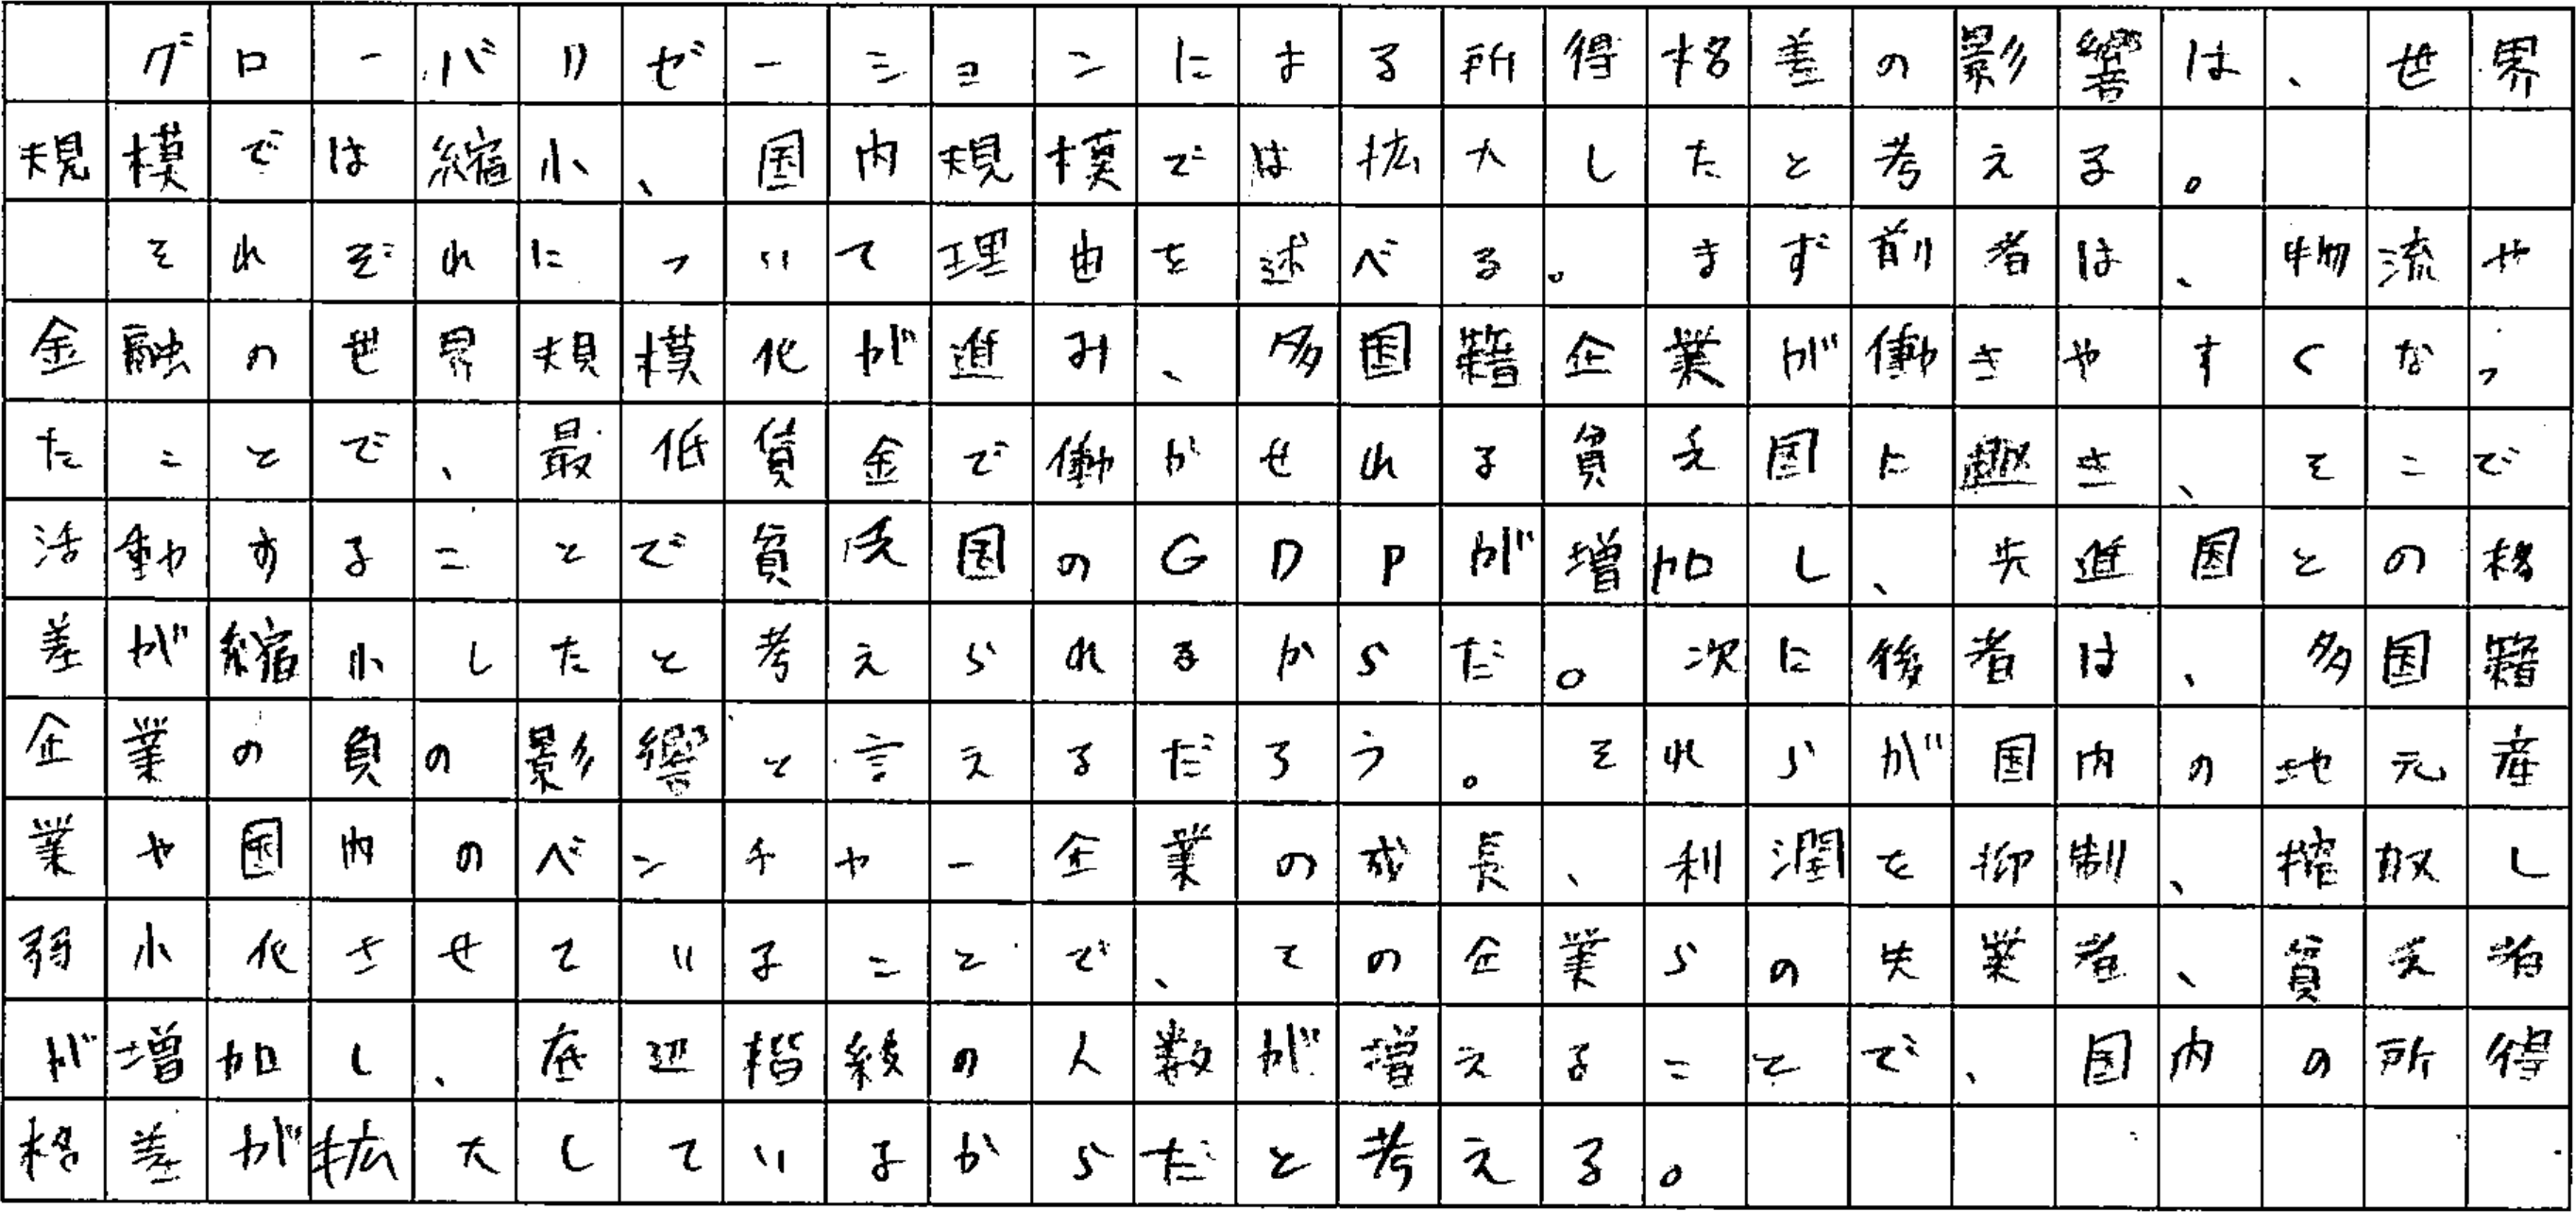　グローバリゼーションによる所得格差の影響は、世界規模では縮小、国内規模では拡大したと考える。
　それぞれについて理由を述べる。まず前者は、物流や金融の世界規模化が進み、多国籍企業が働きやすくなったことで、最低賃金で働かせれる貧乏国に趣き、そこで活動することで貧乏国のＧＤＰが増加し、先進国との格差が縮小したと考えられるからだ。次に後者は、多国籍企業の負の影響と言えるだろう。それらが国内の地元産業や国内のベンチャー企業の成長、利潤を抑制、搾取し弱小化させていることで、その企業らの失業者、貧乏者が増加し、底辺階級の人数が増えることで、国内の所得格差が拡大しているからだと考える。
